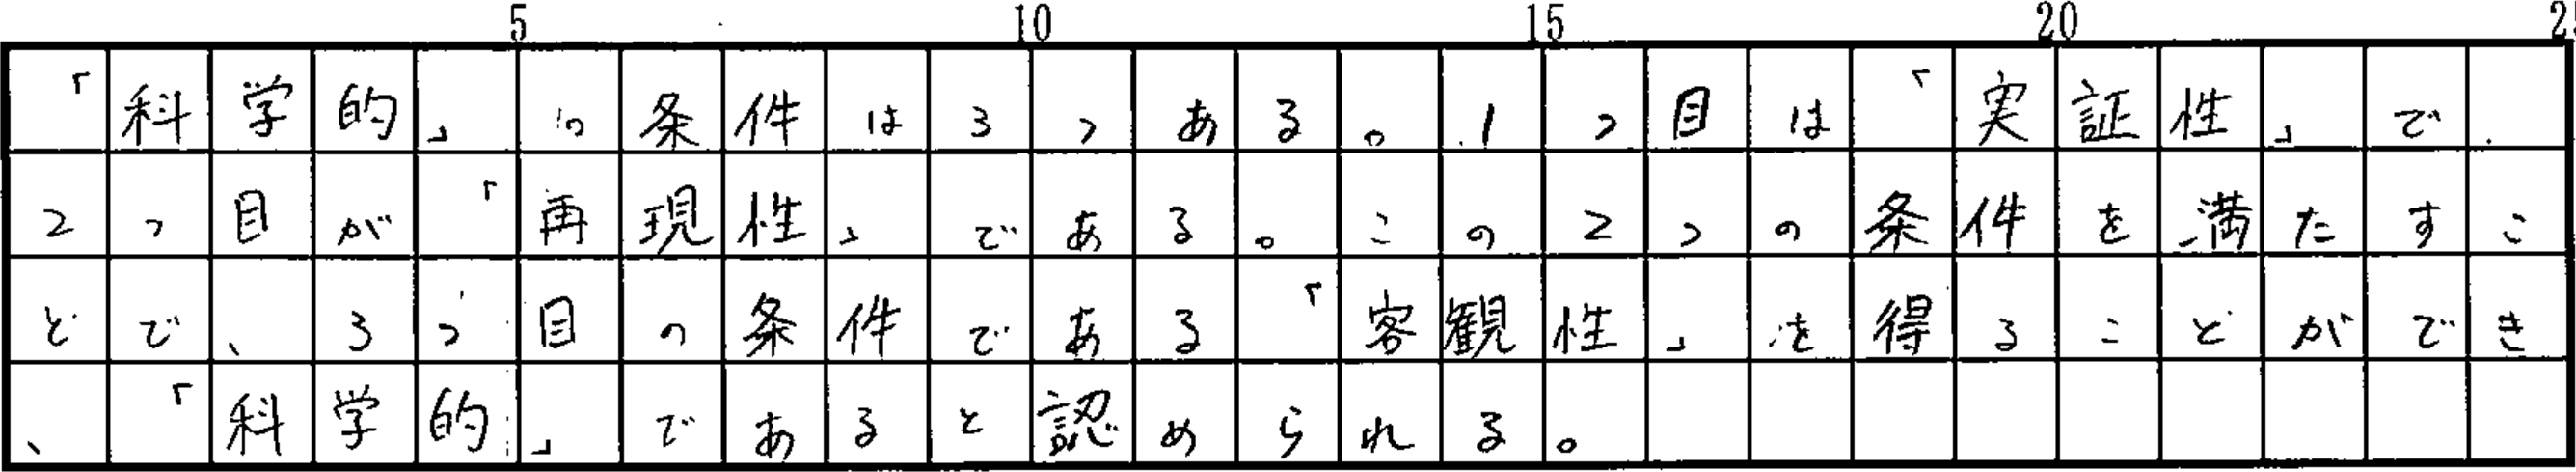「科学的」の条件は３つある。１つ目は「実証性」で、２つ目が「再現性」である。この２つの条件を満たすことで、３つ目の条件である「客観性」を得ることができ、「科学的」であると認められる。
